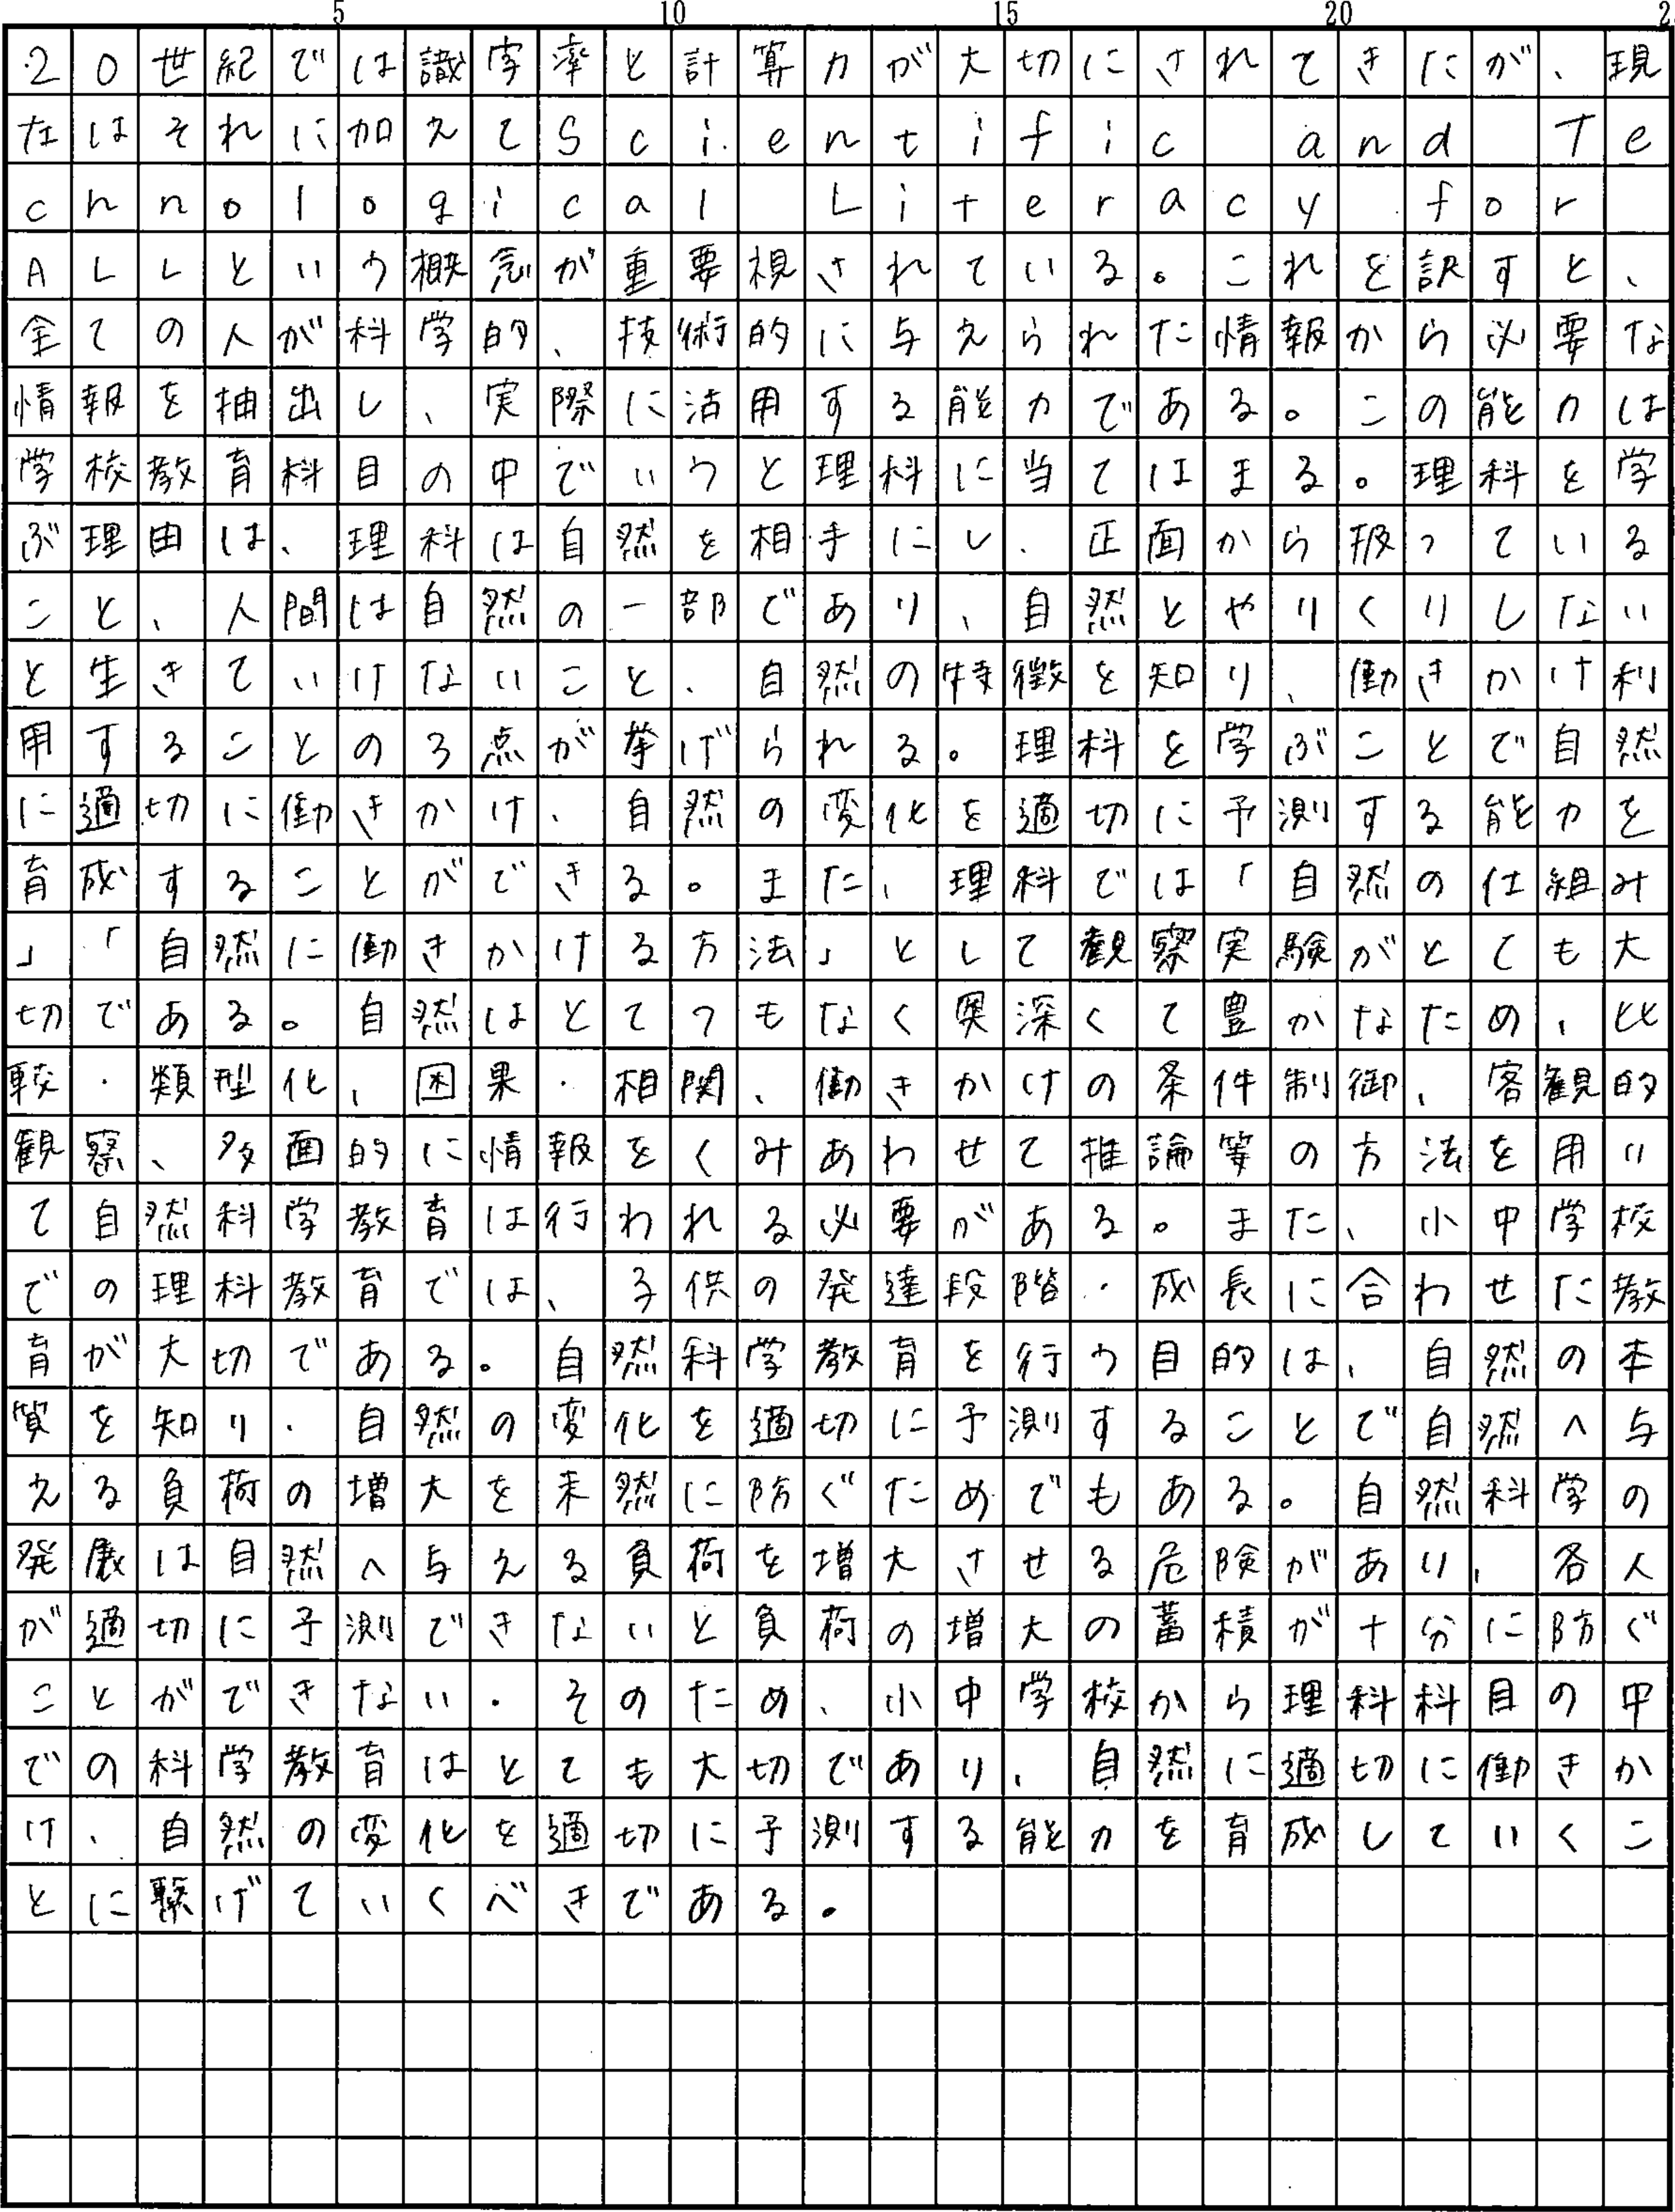２０世紀では識字率と計算力が大切にされてきたが、現▁はそれに加えてＳｃｉｅｎｔｉｆｉｃ　ａｎｄ　Ｔｅｃｈｎｏｌｏｇｉｃａｌ　Ｌｉｔｅｒａｃｙ　ｆｏｒ　Ａｌｌという概念が重要視されている。これを訳すと、全ての人が科学的、技術的に与えられた情報から必要な情報を抽出し、実際に活用する能力である。この能力は学校教育科目の中でいうと理科に当てはまる。理科を学ぶ理由は、理科は自然を相手にし、正面から扱っていること、人間は自然の一部であり、自然とやりくりしないと生きていけないこと、自然の特徴を知り、働きかけ利用することの３点が挙げられる。理科を学ぶことで自然に適切に働きかけ、自然の変化を適切に予測する能力を育成することができる。また、理科では「自然の仕組み」「自然に働きかける方法」として観察実験がとても大切である。自然はとてつもなく奥深くて豊かなため、比較・類型化、困果・相関、働きかけの条件制御、客観的観察、多面的に情報をくみあわせて推論等の方法を用いて自然科学教育は行われる必要がある。また、小中学校での理科教育では、子供の発達段階・成長に合わせた教育が大切である。自然科学教育を行う目的は、自然の本質を知り、自然の変化を適切に予測することで自然へ与える負荷の増大を未然に防ぐためでもある。自然科学の発展は自然へ与える負荷を増大させる危険があり、各人が適切に予測できないと負荷の増大の蓄積が十分に防ぐことができない。そのため、小中学校から理科科目の中での科学教育はとても大切であり、自然に適切に働きかけ、自然の変化を適切に予測する能力を育成していくことに繋げていくべきである。
